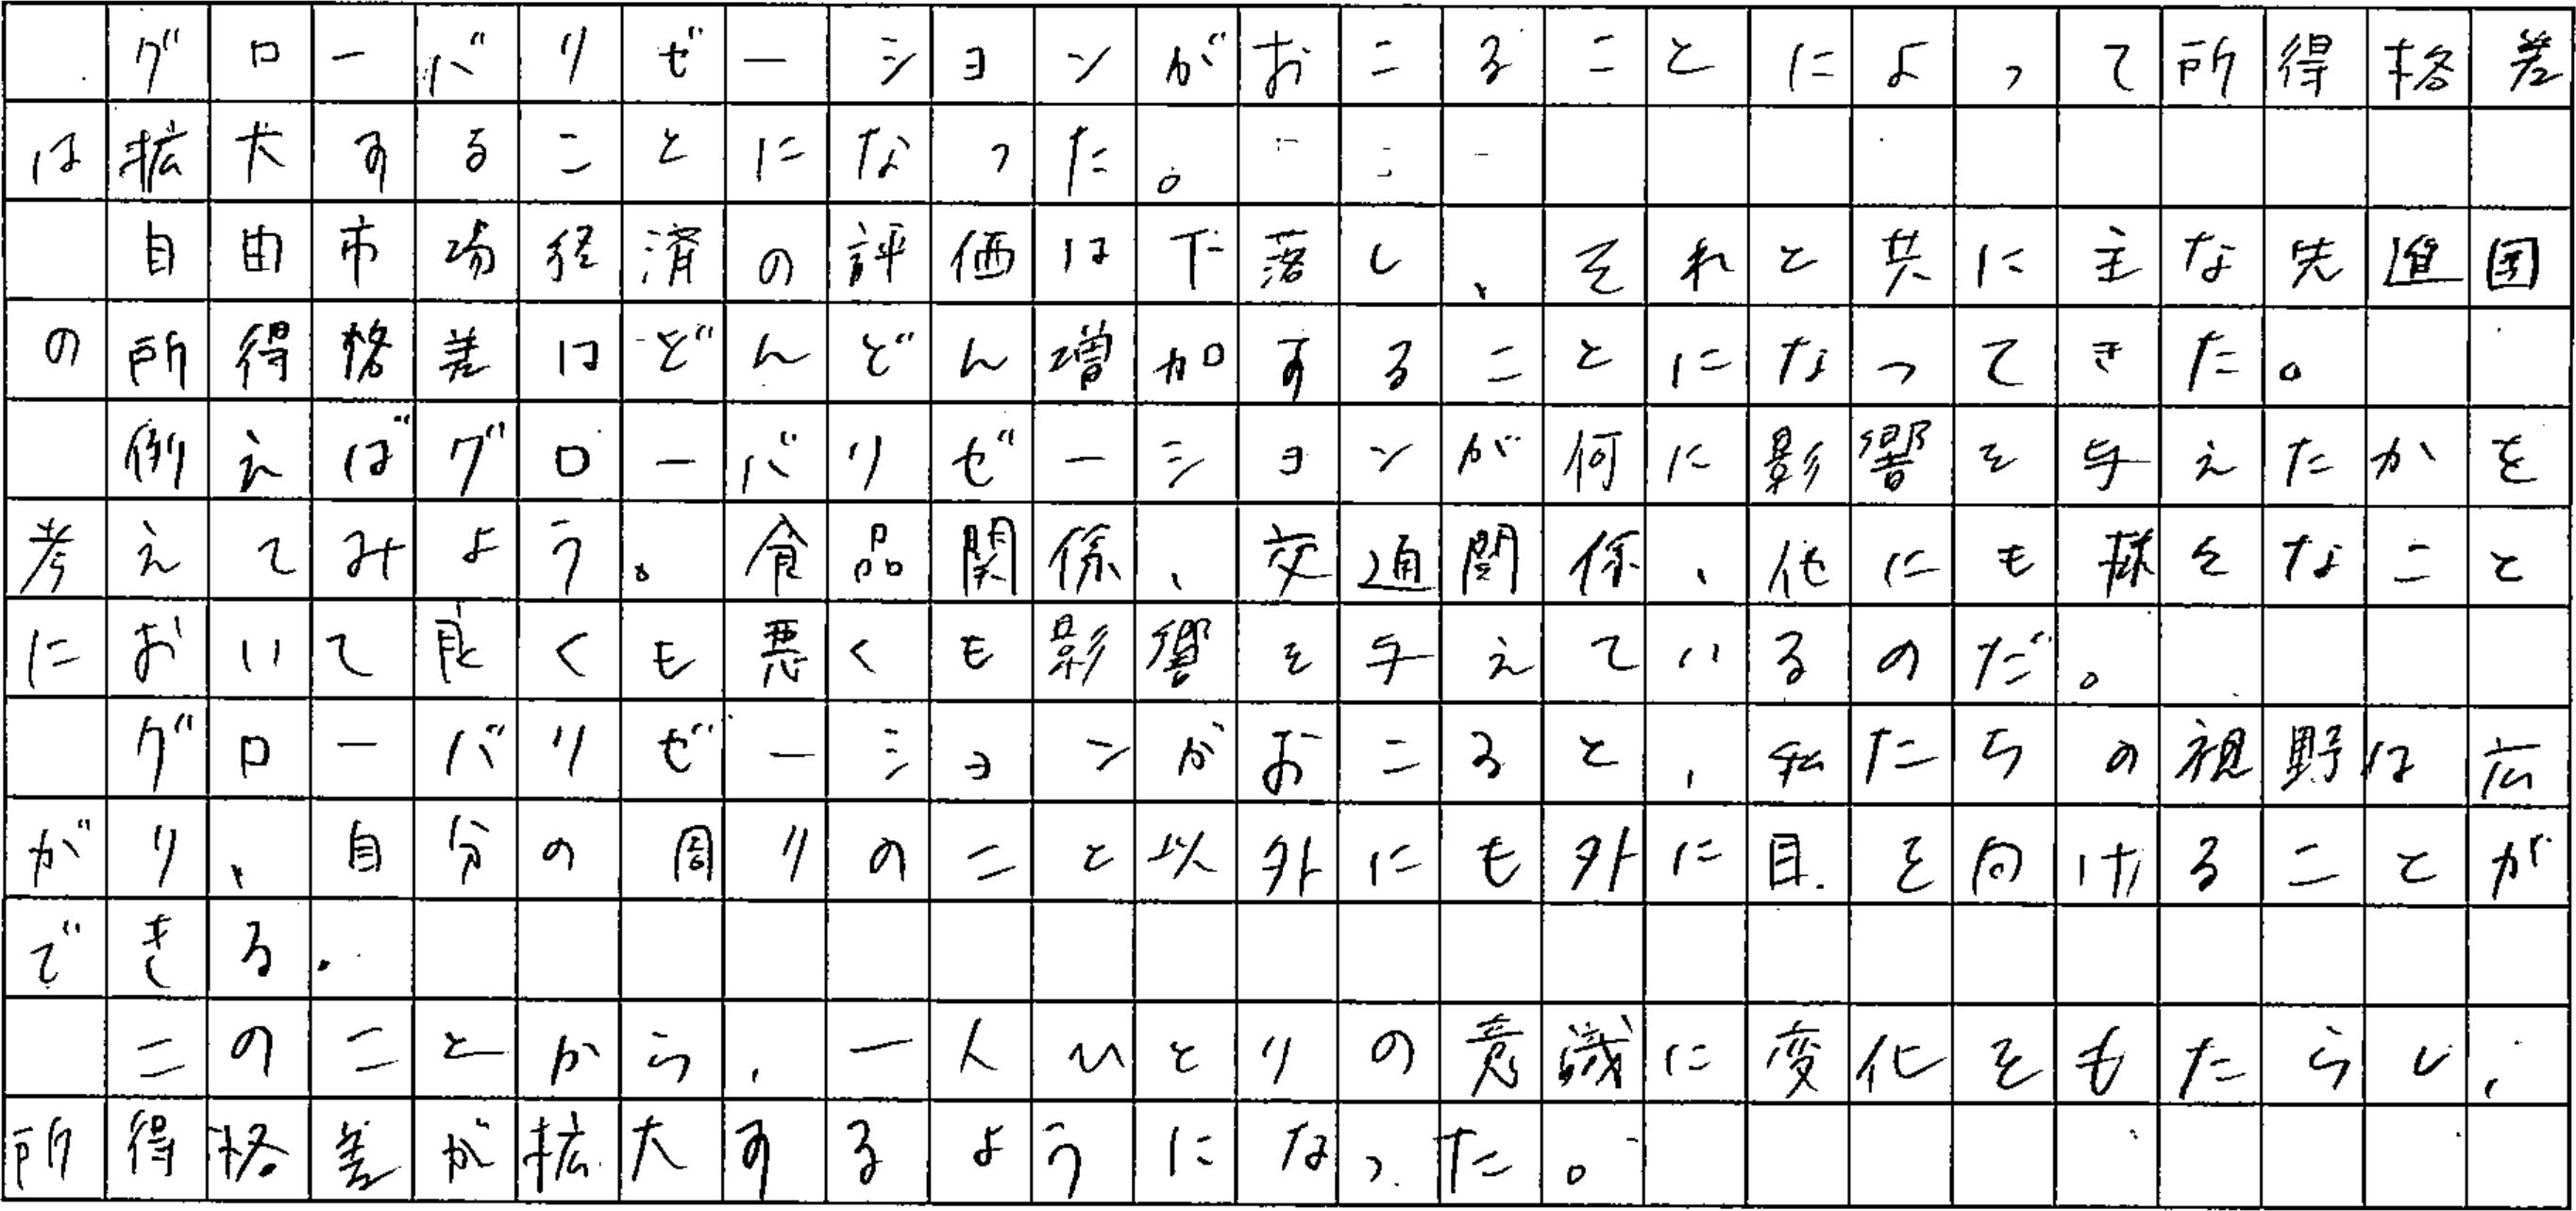　グローバリゼーションがおこることによって所得格差は拡大することになった。
　自由市場経済の評価は下落し、それと共に主な先進国の所得格差はどんどん増加することになってきた。
　例えばグローバリゼーションが何に影響を与えたかを考えてみよう。食品関係、交通関係、他にも様々なことにおいて良くも悪くも影響を与えているのだ。
　グローバリゼーションがおこると、私たちの視野は広がり、自分の周りのこと以外にも外に目を向けることができる。
　このことから、一人ひとりの意識に変化をもたらし、所得格差が拡大するようになった。
